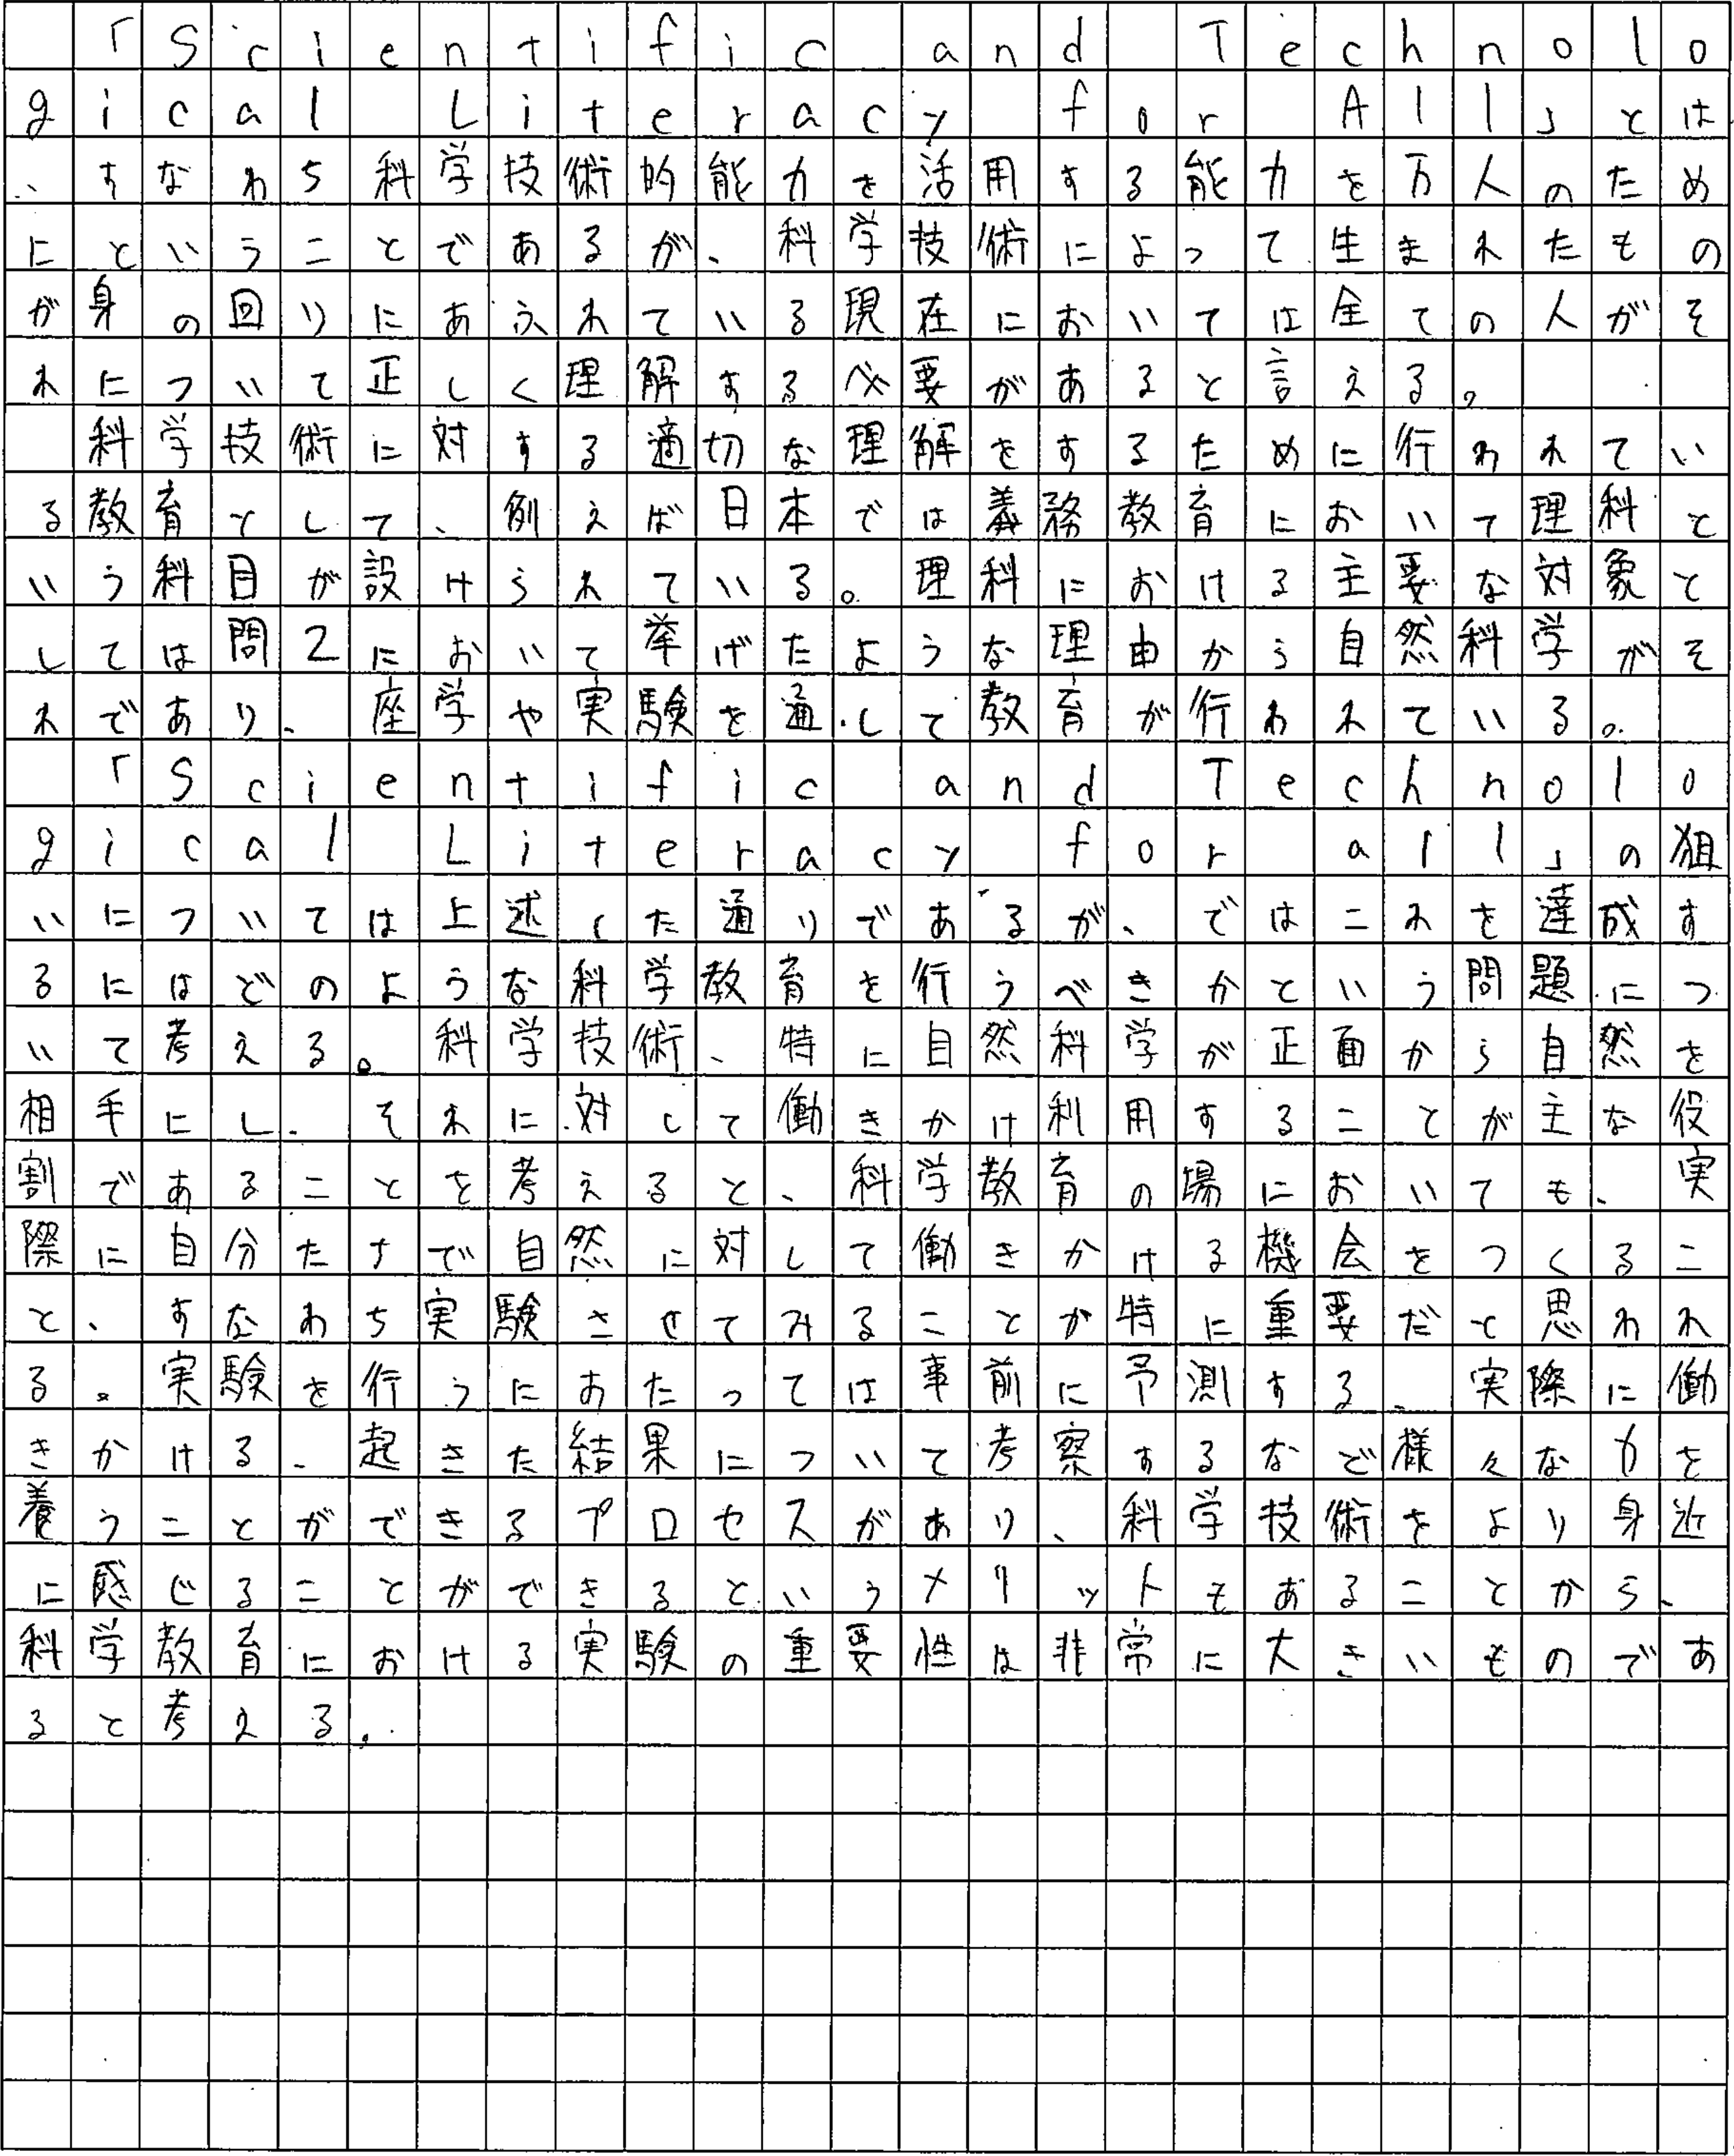　「Ｓｃｉｅｎｔｉｆｉｃ　ａｎｄ　Ｔｅｃｈｎｏｌｏｇｉｃａｌ　Ｌｉｔｅｒａｃｙ　ｆｏｒ　Ａｌｌ」とは、すなわち科学技術的能力を活用する能力を万人のためにということであるが、科学技術によって生まれたものが身の回りにあふれている現在においては全ての人がそれについて正しく理解する必要があると言える。
　科学技術に対する適切な理解をするために行われている教育として、例えば日本では義務教育において理科という科目が設けられている。理科における主要な対象としては問２において挙げたような理由から自然科学がそれであり、座学や実験を通して教育が行われている。
　「Ｓｃｉｅｎｔｉｆｉｃ　ａｎｄ　Ｔｅｃｈｎｏｌｏｇｉｃａｌ　Ｌｉｔｅｒａｃｙ　ｆｏｒ　ａｌｌ」の狙いについては上述した通りであるが、ではこれを達成するにはどのような科学教育を行うべきかという問題について考える。科学技術、特に自然科学が正面から自然を相手にし、それに対して働きかけ利用することが主な役割であることを考えると、科学教育の場においても、実際に自分たちで自然に対して働きかける機会をつくること、すなわち実験させてみることが特に重要だと思われる。実験を行うにあたっては事前に予測する、実際に働きかける、起きた結果について考察するなど様々な力を養うことができるプロセスがあり、科学技術をより身近に感じることができるというメリットがあることから、科学教育における実験の重要性は非常に大きいものであると考えられる。
